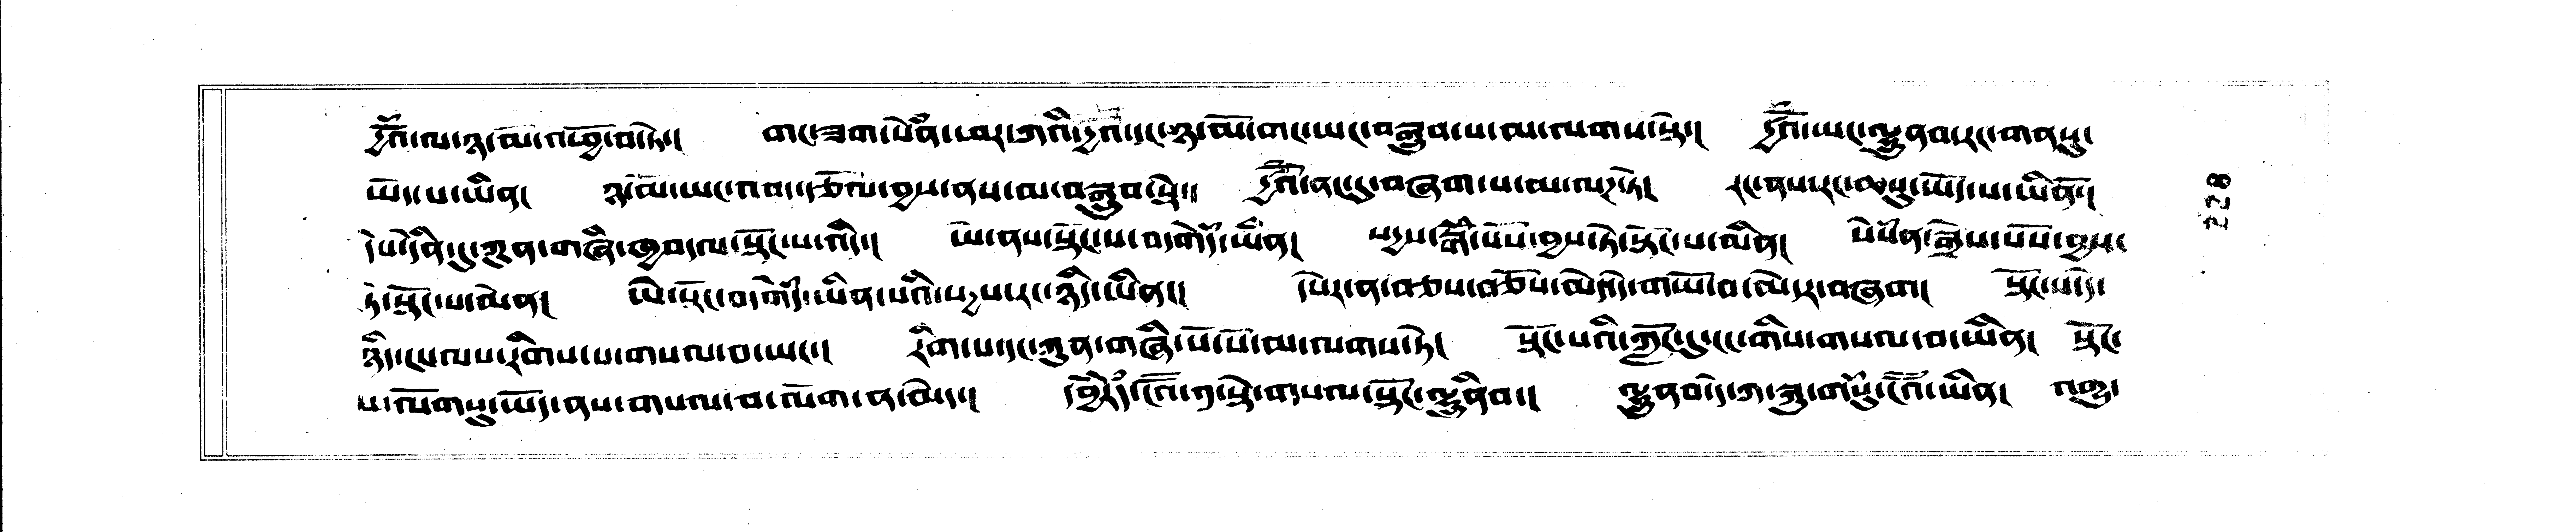རྒྱ་མཚོ་དང་ཉ་མོ་ གང་ཡང་བསྒྲུབ་པ་མ་ལགས་སྟེ། རྒྱ་མཚོ་ཡང་ལྷུན་གྲུབ་རང་གནས་སུ་
ཡོད་པ་ཡིན། ཉ་མོ་ཡང་འབེད་”འབད”རྩོལ་བྱས་ནས་བསྒྲུབ་སྟེ། རྒྱ་མཚོ་ནང་དུ་བཞག་པ་མ་ལགས་སྟེ། རང་གནས་རང་ཆས་སུ་ཡོད་པ་ཡིན་ནོ།
དཔེ་དེ་བཞིན་དུ། ཀུན་གཞི་ཁྱབ་བདལ་སྟོང་པ་འདི། ཡེ་ནས་སྟོང་པ་བདག་མེད་ཡིན། སངས་རྒྱས་སྒམ་པོས་བྱས་ཏེ་སྟོང་པ་མེན། སེམས་ཅན་སྒྲིམ་པོས་བསྒྲུབ་
ཏེ་སྟོང་པ་མེན། ཡེ་སྟོང་བདག་མེད་ཡིན་པས་སངས་རྒྱས་རང་ཉིད་ཡིན། དེ་ནས་བཅས་བཅོས་མེད་དེ་གཡོ་བ་མེད་པར་བཞག སྟོང་པ་དེ་
ཉིད་ངང་ནས་རིག་པ་གསལ་བ་ཡང་ རིག་པ་དང་ཀུན་གཞི་སོ་སོར་མ་ལགས་སྟེ། སྟོང་པའི་ཀློང་དུ་ངང་གིས་གསལ་བ་ཡིན། སྟོང་
པ་ལོགས་སུ་ཡོད་ལ་གསལ་བ་ལོག་ན་མེད། དབྱེར་མེད་ངོའོ་གཅིག་སྟེ་གསལ་སྟོང་ལྷུན་གྱིིས་གྲུབ། ལྷུན་གྲུབ་དེ་ཀ་སྐུ་གསུམ་ངོའོ་ཡིན། འགྱུ་